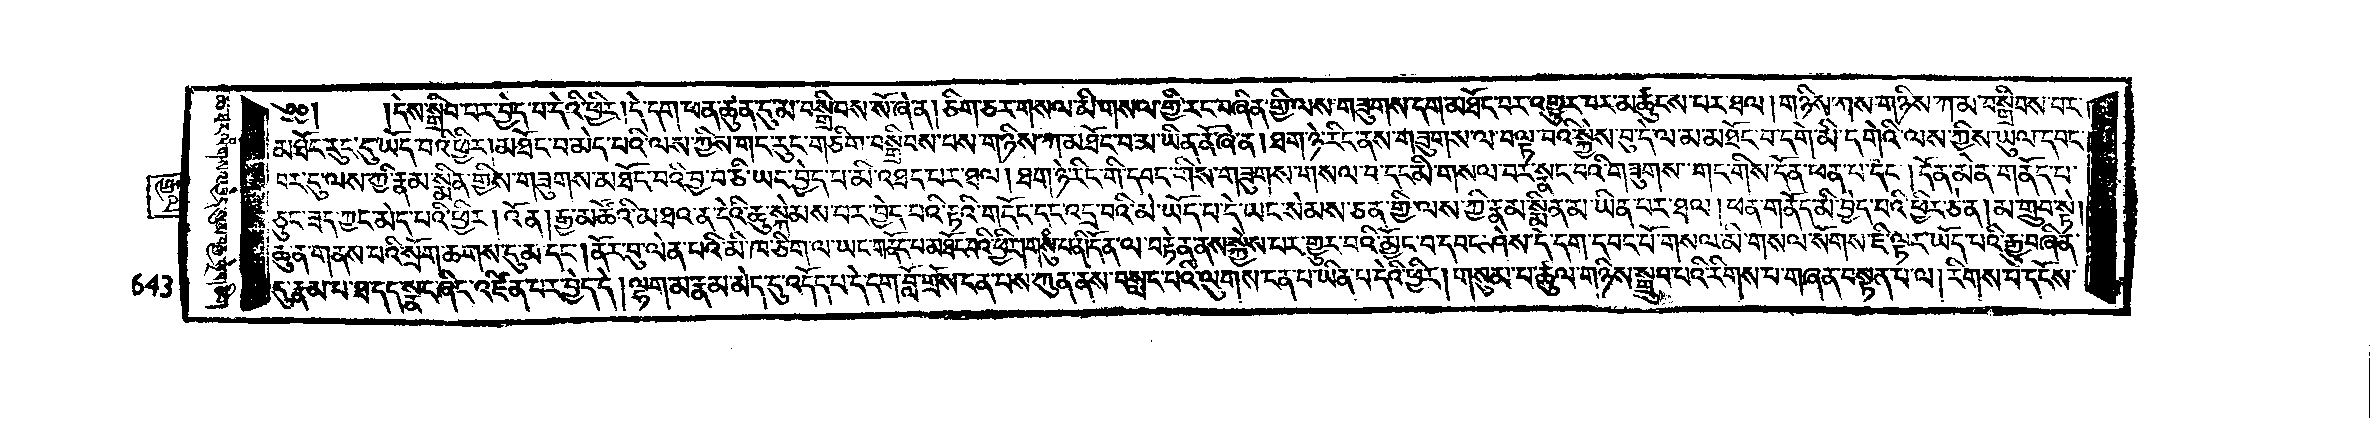༄༅། །དེས་སྒྲིབ་པར་བྱེད་པ་དེའི་ཕྱིར། དེ་དག་ཕན་ཚུན་དུ་མ་བསྒྲིབས་སོ་ཞེ་ན། ཅིག་ཅར་གསལ་མི་གསལ་གྱི་རང་བཞིན་གྱི་ལས་གཟུགས་དག་མཐོང་བར་འགྱུར་བར་མཚུངས་པར་ཐལ། གཉིས་ཀས་གཉིས་ཀ་མ་བསྒྲིབས་པར་
མཐོང་རུང་དུ་ཡོད་པའི་ཕྱིར། མཐོང་བ་མེད་པའི་ལས་ཀྱིས་གང་རུང་གཅིག་བསྒྲིབས་པས་གཉིས་ཀ་མཐོང་བ་མ་ཡིན་ནོ་ཞེ་ན། ཐག་ཉེ་རིང་ནས་གཟུགས་ལ་བལྟ་བའི་སྐྱེས་བུ་དེ་ལ་མ་མཐོང་བ་དགེ་མི་དགེའི་ལས་ཀྱིས་ཡུལ་དབང་
བར་དུ་ལས་ཀྱི་རྣམ་སྨིན་གྱིས་གཟུགས་མཐོང་བའི་བྱ་བ་ཅི་ཡང་བྱེད་པ་མི་འཐད་པར་ཐལ། ཐག་ཉེ་རིང་གི་དབང་གིས་གཟུགས་གསལ་བ་དང་མི་གསལ་བར་སྣང་བའི་གཟུགས་གང་གིས་དོན་ཕན་པ་དང་། དོན་མིན་གནོད་པ་
ཅུང་ཟད་ཀྱང་མེད་པའི་ཕྱིར། འོ་ན། རྒྱ་མཚོའི་མཐའ་ན་དེའི་ཆུ་སྐེམས་པར་བྱེད་པའི་རྟའི་གདོང་དང་འདྲ་བའི་མེ་ཡོད་པ་དེ་ཡང་སེམས་ཅན་གྱི་ལས་ཀྱི་རྣམ་སྨིན་མ་ཡིན་པར་ཐལ། ཕན་གནོད་མི་བྱེད་པའི་ཕྱིར་ཅེ་ན། མ་གྲུབ་སྟེ།
ཆུ་ན་གནས་པའི་སྲོག་ཆགས་དུ་མ་དང་། ནོར་བུ་ལེན་པའི་མི་ཁ་ཅིག་ལ་ཡང་གནོད་པ་མཐོང་བའི་ཕྱིར། གསུཾ་པ་ནི། དོན་ལ་བརྟེན་ནས་སྐྱེས་པར་གྱུར་བའི་མྱོང་བ་དབང་ཤེས་དེ་དག་དབང་པོ་གསལ་མི་གསལ་སོགས་ཇི་ལྟར་ཡོད་པའི་རྒྱུ་བཞིན་
དུ་རྣམ་པ་ཐ་དད་སྣང་ཞིང་འཛིན་པར་བྱེད་དེ། ལྷག་མ་རྣམ་མེད་དུ་འདོད་པ་དེ་དག་བློ་གྲོས་ངན་པས་ཀུན་ནས་བསླང་པའི་ལུགས་ངན་པ་ཡིན་པ་དེའི་ཕྱིར། གསུམ་པ་ཚུལ་གཉིས་སྒྲུབ་པའི་རིགས་པ་གཞན་བསྟན་པ་ལ། རིགས་པ་དངོས་